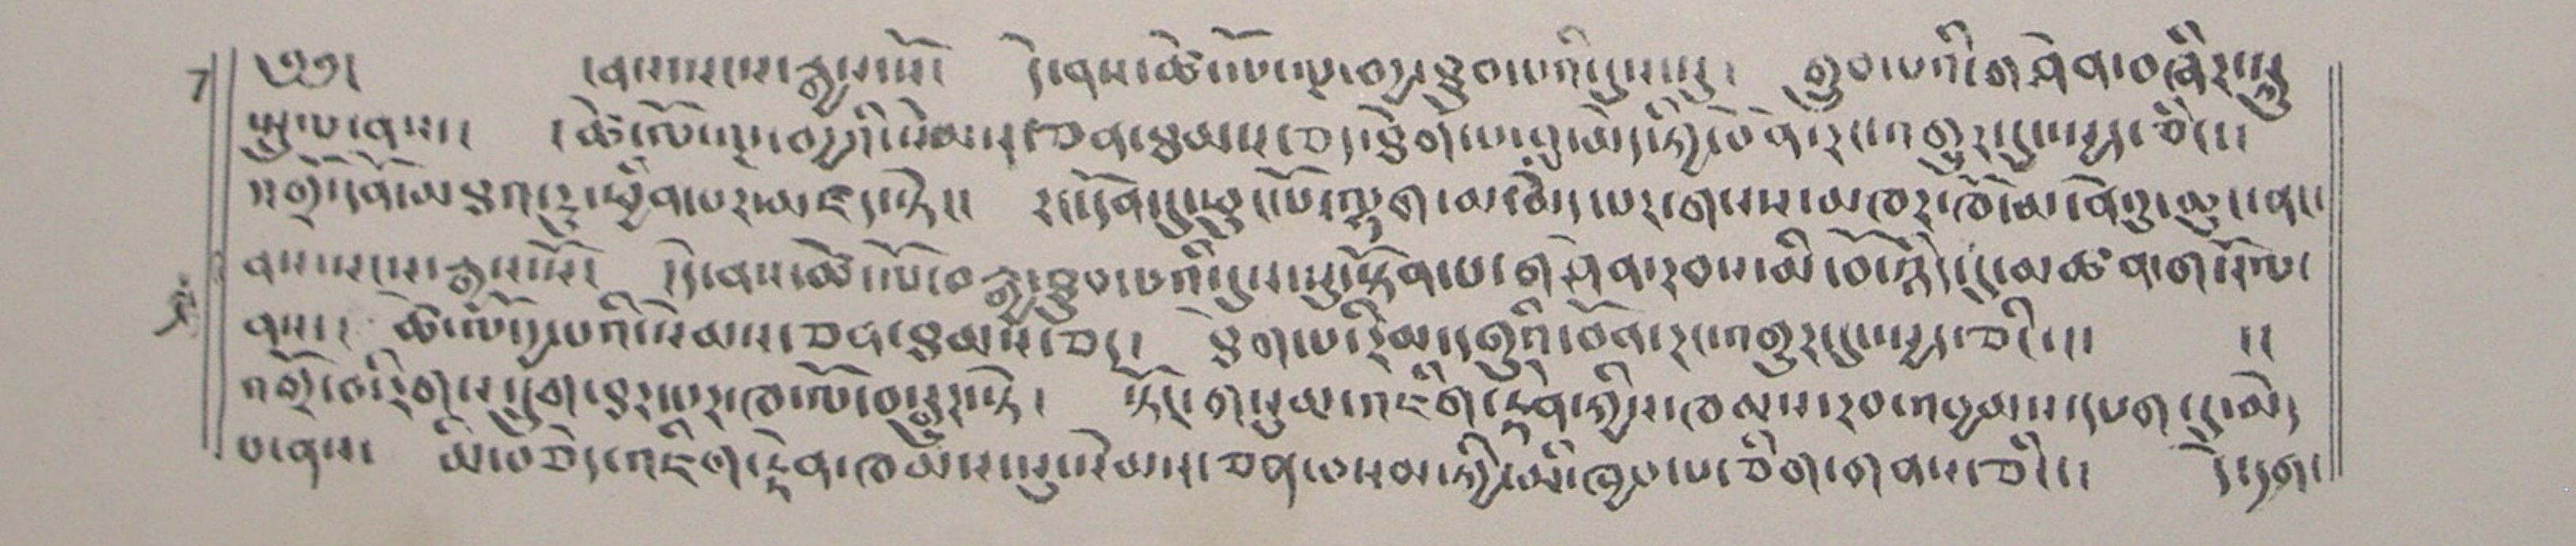༄༅། །ནས་སངས་རྒྱས་སོ། །དེ་ནས་ཚེ་ལོ་ལྔ་བརྒྱ་ཐུབ་པའི་དུས་སུ་གྲུབ་པའི་གཤེན་བཞིར་སྐུ་
སྤྲུལ་ནས། ཚེ་ལོ་ལྔ་བརྒྱའི་སེམས་ཅན་ཐམས་ཅད་ཐེག་པ་བླ་མེད་ཀྱི་བོན་རང་འགྱུར་དུ་སྤྱད་ཅིང་། 
འགྲོ་དོན་མཐར་རུ་ཕྱིན་པར་མཛད་སྟེ། །རང་དོན་དུ་ཕུང་པོ་ལྷག་མ་མེད་པར་གསས་མཁར་ཁོ་མ་ནེའུ་ཆུང་ནང་
ནས་སངས་རྒྱས་སོ། །དེ་ནས་ཚེ་ལོ་བརྒྱ་ཐུབ་པའི་དུས་སུ་སྟོན་པ་གཤེན་རབས་མི་བོ་ཉིད་དུ་མཚན་གསོལ་
ནས། ཚེ་ལོ་བརྒྱ་བའི་སེམས་ཅན་ཐམས་ཅད་ཐེག་པ་རིམ་དགུའི་བོན་རང་འགྱུར་དུ་སྤྱད་ཅིང་། 
འགྲོ་བ་རིགས་དྲུག་ཐར་བར་ཁ་ལོ་བསྒྱུར་ཏེ། སྟོང་གསུམ་འཇིག་རྟེན་གྱི་ཁམས་རབ་འབྱམས་དཔག་ཏུ་མེད་
པ་ནས། མི་བཅེད་འཇིག་རྟེན་ཁམས་སུ་སེམས་ཅན་བསམ་གྱིས་མི་ཁྱབ་པ་ཅིག་གནས་ཅིང་། དེ་དག་